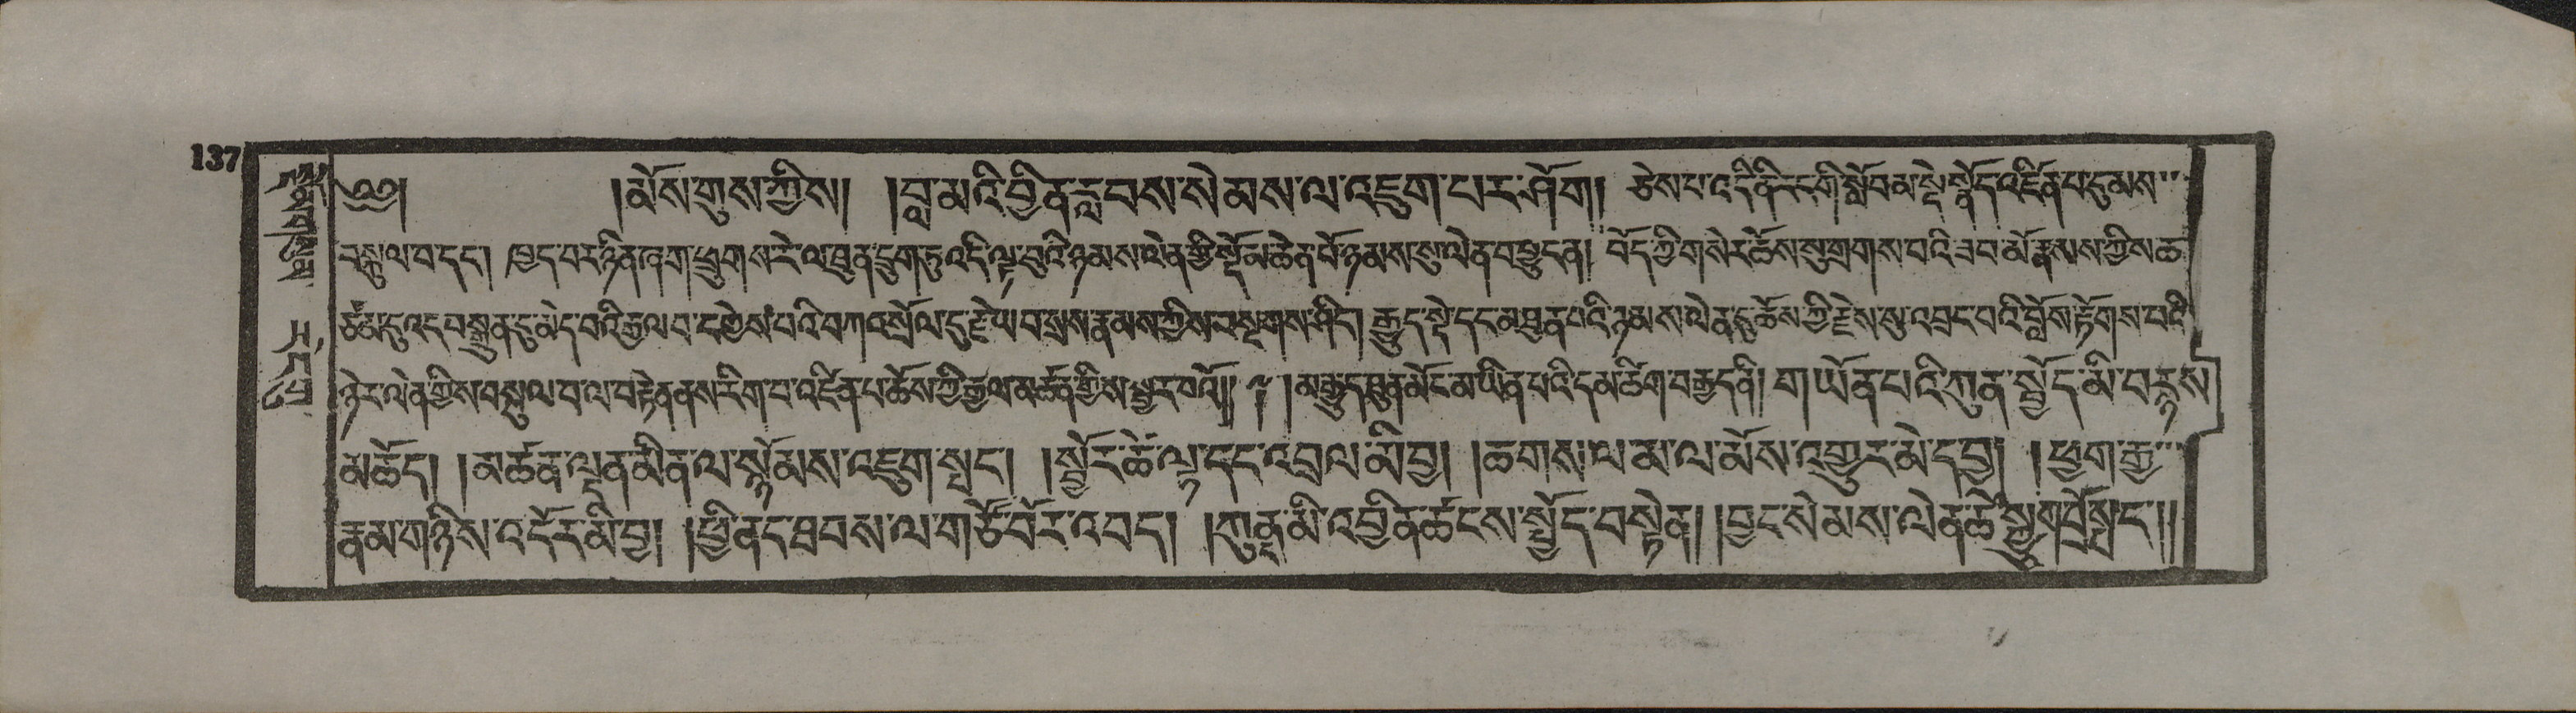༄༅། །མོས་གུས་ཀྱིས། །བླ་མའི་བྱིན་རླབས་སེམས་ལ་འཇུག་པར་ཤོག །ཅེས་པ་འདི་ནི་རང་གི་སློབ་མ་སྡེ་སྣོད་འཛིན་པ་དུ་མས་
བསྐུལ་བ་དང་། ཁྱད་པར་ཉིན་ཞག་ཕྲུགས་རེ་ལ་ཐུན་དྲུག་ཏུ་འདི་ལྟ་བུའི་ཉམས་ལེན་གྱི་སྡོམ་ཆེན་པོ་ཉམས་སུ་ལེན་པ་བྱུང་ན། བོད་ཀྱི་གསེར་ཆོས་སུ་གྲགས་པའི་ཟབ་མོ་རྣམས་ཀྱིས་ཆ་
ཙམ་དུའང་སྒྲུན་དུ་མེད་པའི་རྒྱལ་བ་དཀྱེས་པའི་བཀའ་སྲོལ་དུ་རྗེ་ཡབ་སྲས་རྣམས་ཀྱིས་བསྔགས་ཤིང་། རྒྱུད་སྡེ་དང་མཐུན་པའི་ཉམས་ལེན་དུ་ཆོས་ཀྱི་རྗེས་སུ་འབྲང་བའི་བློས་རྟོགས་པའི་
ཉེར་ལེན་གྱིས་བསྐུལ་བ་ལ་བརྟེན་ནས་རིག་པ་འཛིན་པ་ཆོས་ཀྱི་རྒྱལ་མཚན་གྱིས་སྦྱར་བའོ། ༈ །མ་རྒྱུད་ཐུན་མོང་མ་ཡིན་པའི་དམ་ཚིག་བརྒྱད་ནི། གཡོན་པའི་ཀུན་སྤྱོད་མི་བརྙས་
མཆོད། །མཚན་ལྡན་མིན་ལ་སྙོམས་འཇུག་སྤང་། །སྦྱོར་ཚེ་ལྟ་དང་འབྲལ་མི་བྱ། །ཆགས་ལ་མ་ལ་མོས་འགྱུར་མེད་བྱ། །ཕྱག་རྒྱ་
རྣམ་གཉིས་འདོར་མི་བྱ། །ཕྱི་ནང་ཐབས་ལ་གཙོ་བོར་འབད། །ཀུནྜ་མི་འབྱིན་ཚངས་སྤྱོད་བསྟེན། །བྱང་སེམས་ལེན་ཆེ་སྐྱུག་བྲོ་སྤང་། །